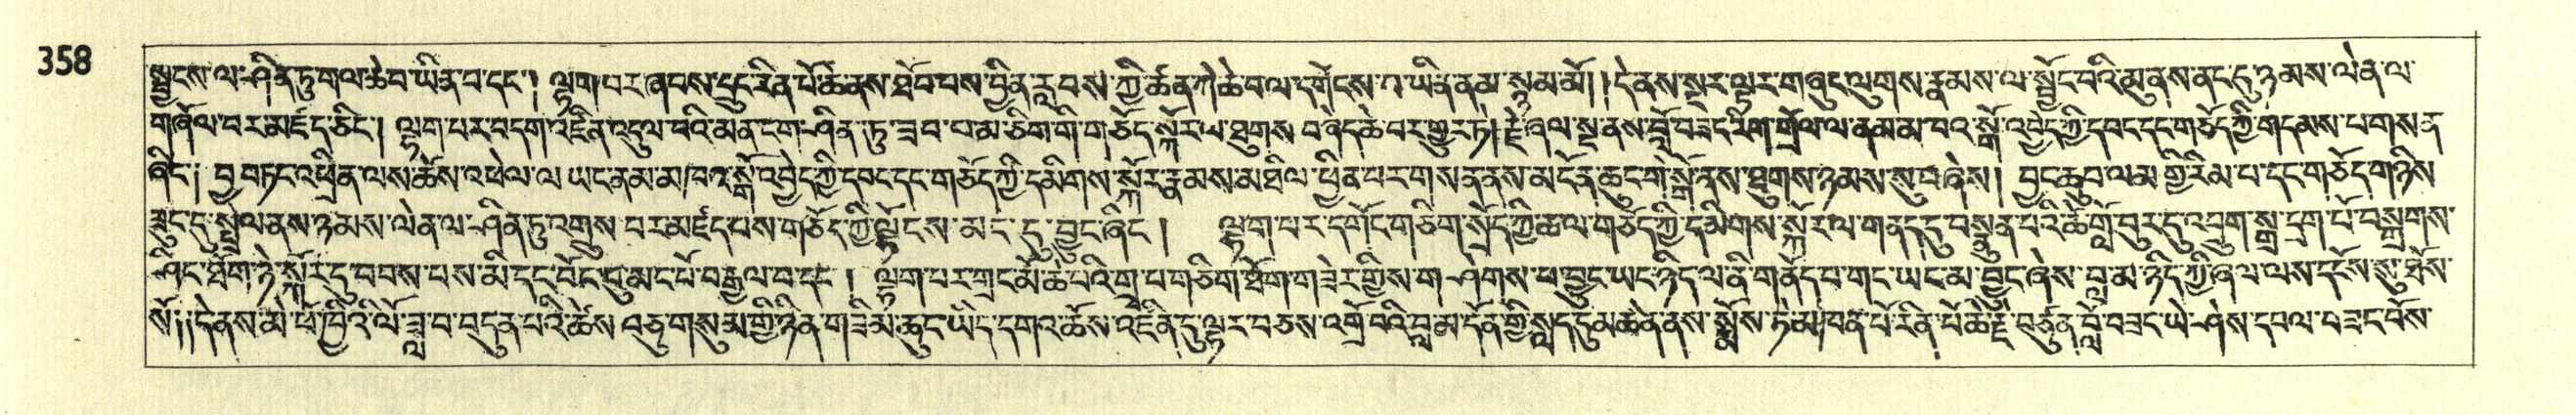སྦྱངས་ལ་ཤིན་ཏུ་གལ་ཆེ་བ་ཡིན་པ་དང་། ལྷག་པར་ཞབས་དྲུང་རིན་པོ་ཆེ་ནས་ཐོབ་པས་བྱིན་རླབས་ཀྱི་ཚན་ཀེ་ཆེ་བ་ལ་དགོངས་པ་ཡིན་ནམ་སྙམ་མོ། །དེ་ནས་སྔར་ལྟར་གཞུང་ལུགས་རྣམས་ལ་སྦྱོང་བའི་མུ་ནས་ནང་དུ་ཉམས་ལེན་ལ་
གཞོལ་བར་མཛད་ཅིང་། ལྷག་པར་བདག་འཛིན་འདུལ་བའི་མན་ངག་ཤིན་ཏུ་ཟབ་པ་མ་ཅིག་གི་གཅོད་སྐོར་ལ་ཐུགས་བཞེད་ཆེ་བར་གྱུར་ཏེ། རྗེ་ཞལ་སྔ་ནས་བློ་བཟང་རིག་གྲོལ་ལ་ནམ་མཁའ་སྒོ་འབྱེད་ཀྱི་དབང་དང་གཅོད་ཀྱི་གདམས་པ་གསན་
ཞིང༑ བྱ་བཏང་འཕྲིན་ལས་ཆོས་འཕེལ་ལ་ཡང་ནམ་མཁའ་སྒོ་འབྱེད་ཀྱི་དབང་དང་གཅོད་ཀྱི་དམིགས་སྐོར་རྣམས་མཐིལ་ཕྱིན་པར་གསན་ནས་མངོན་ཆུང་གི་སྒོ་ནས་ཐུགས་ཉམས་སུ་བཞེས། བྱང་ཆུབ་ལམ་གྱི་རིམ་པ་དང་གཅོད་གཉིས་
ཟུང་དུ་སྦྲེལ་ནས་ཉམས་ལེན་ལ་ཤིན་ཏུ་འགྲུས་པར་མཛད་པས་གཅོད་ཀྱི་ལྷོངས་མང་དུ་བྱུང་ཞིང་། ལྷག་པར་དགོང་གཅིག་སྲོད་ཀྱི་ཆ་ལ་གཅོད་ཀྱི་དམིགས་སྐོར་ལ་གནད་དུ་བསྣུན་པའི་ཚེ་གློ་བུར་དུ་འབྲུག་སྒྲ་དྲག་པོ་བསྒྲགས་
ཤིང་ཐོག་ཉེ་སྐོར་དུ་བབས་པས་མི་དང་བོང་བུ་མང་པོ་བརྒྱལ་བ་དང་། ལྷག་པར་གྲང་མོ་ཆེ་བའི་གྲྭ་པ་གཅིག་ཐོག་གཟེར་གྱིས་གཤེགས་པ་བྱུང་ཡང་ཉིད་ལ་ནི་གནོད་པ་གང་ཡང་མ་བྱུང་ཞེས་བླ་མ་ཉིད་ཀྱི་ཞལ་ལས་དངོས་སུ་ཐོས་
སོ༑ ༑དེ་ནས་མེ་ཕོ་ཁྱིའི་ལོ་ཟླ་བ་བདུན་པའི་ཚེས་བཅུ་གསུམ་གྱི་ཉིན་གཟིམ་ཆུང་ཡིད་དགའ་ཆོས་འཛིན་དུ་ལྷར་བཅས་འགྲོ་བའི་བླ་མ་དོན་གྱི་སླད་དུ་མཆེན་ནས་སྨོས་ཏེ་མཁན་པོ་རིན་པོ་ཆེ་རྗེ་བཙུན་བློ་བཟང་ཡེ་ཤེས་དཔལ་བཟང་བོས་